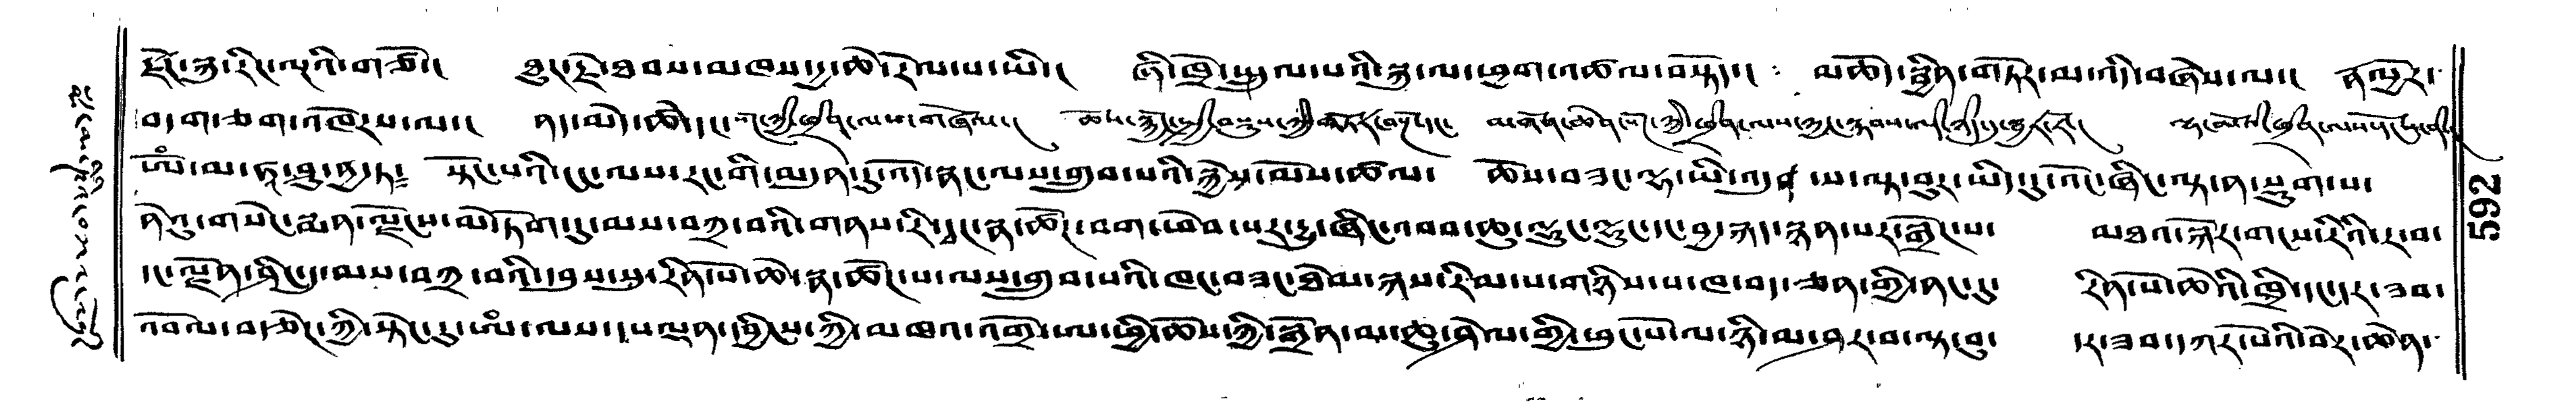རྫོགས་སྐུ་རིགས་ལྔའི་གཙོ། །ཐུགས་རྗེ་ཐབས་མཁས་རྒྱ་ཆེ་རོལ་པ་ཡི། །ཞི་ཁྲོ་སྤྲུལ་པའི་སྐུ་ལ་ཕྱག་འཚལ་བསྟོད། །མཆོད་སྦྱིན་གཏོར་མ་འདི་བཞེས་ལ། །རྣལ་འབྱོར་
བདག་ཅག་འཁོར་བཅས་ལ། །ནད་མེད་ཚེ་དང་སོགས་ཀྱི་ཕྲིན་ལས་བཅོལ། ཆོས་སྐྱོང་སྤྱི་བསྡུས་ཀྱི་གཏོར་བསྔོ་དང་། མགོན་ཆེན་སོགས་ཀྱི་ཕྲིན་ལས་ཀྱང་སྐབས་འདི་ཉིད་དུ་སྦྱར་རོ། ལྷ་མོའི་ཕྲིན་ལས་དངོས་ནི། 
ཨོཾ་མ་ཧཱ་ཤུ་ནྱ་ཏ༴ སྟོང་པའི་ངང་ལས་རང་གི་མདུན་དུ་འོད་སྣང་ལས་གྲུབ་པའི་སྐྱེད་མོས་ཚལ། ཆོས་བཟང་ལྷ་ཡི་འདུན་ས་ལྟ་བུར་ཡིད་དུ་འོང་ཞིང་ལྟ་ན་སྡུག་པ་
ནེའུ་སིང་སྨན་ལྗོངས་མེ་ཏོག་དུ་མས་བཀྲ་བའི་གནས་རི་དྭགས་སྣ་ཚོགས་བག་ཕེབ་པར་རྒྱུ་ཞིང་འབབ་ཆུ་ལྷུང་ལྷུང་དང་བྱ་སྐད་སྙན་པར་སྒྲོག་པ། མཐའ་སྐོར་གངས་རིའི་རྭ་བ་
དང་ལྗོན་ཤིང་དུ་མས་བཀྲ་བའི་དབུས་སུ་རིན་པོ་ཆེ་སྣ་ཚོགས་པ་ལས་གྲུབ་པའི་ཁང་བཟང་ཐེམ་སྐས་རིམ་པ་གཉིས་པ་ཁ་བད་ཅན་གྱི་ནང་དུ། རིན་པོ་ཆེའི་ཁྲི་དང་དར་ཟབ་
འབོལ་བརྩེགས་ཀྱི་སྟེང་དུ་ཨཾ་ལས་དཔལ་ལྡན་དབྱིངས་ཀྱི་མཁའ་འགྲོ་ཨ་ཕྱི་ཆོས་ཀྱི་སྒྲོན་མ་ཆུ་ཤེལ་གྱི་ཕུང་པོ་ལ་ཉི་མ་ཤར་བ་ལྟ་བུ། དར་ཟབ་དཀར་པོའི་བེར་ཆེན་༼